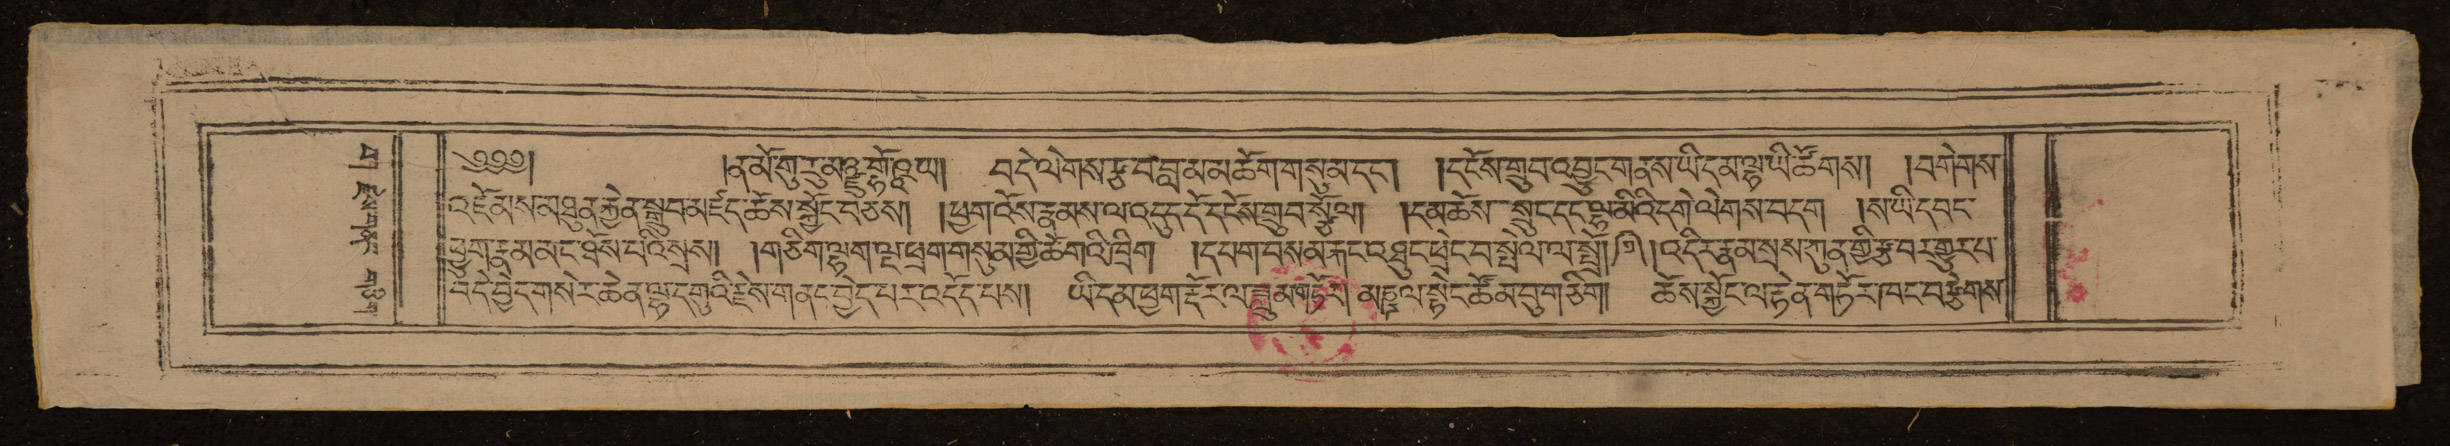༄༅༅། །ན་མོ་གུ་རུ་མཉྫུ་གྷོ་ཥཱ་ཡ། བདེ་ལེགས་རྩ་བ་བླ་མ་མཆོག་གསུམ་དང་། །དངོས་གྲུབ་འབྱུང་གནས་ཡི་དམ་ལྷ་ཡི་ཚོགས། །བགེགས་
འཇོམས་མཐུན་རྐྱེན་སྒྲུབ་མཛད་ཆོས་སྐྱོང་བཅས། །ཕྱག་འོས་རྣམས་ལ་འདུད་དོ་དངོས་གྲུབ་སྩོལ། །དམ་ཆོས་སྲུང་དང་ལྷ་མིའི་དགེ་ལེགས་བདག །ས་ཡི་དབང་
ཕྱུག་རྣམ་མང་ཐོས་པའི་སྲས། །གཅིག་ལྷག་ལྔ་ཕྲག་གསུམ་གྱི་ཆོ་གའི་ཁྲིག །དཔག་བསམ་རྐང་འཐུང་ཕྲེང་བ་སྤེལ་ལ་སྤྲོ། ༡?་།འདིར་རྣམ་སྲས་ཀུན་གྱི་རྩ་བར་གྱུར་པ་
བདེ་བྱེད་གསེར་ཆེན་ལྷ་དགུའི་རྗེས་གནང་བྱེད་པར་འདོད་པས། ཡི་དམ་ཕྱག་རྡོར་ལ་ཟླུམ་གཏོར། མཎྜལ་སྟེང་ཚོམ་བུ་གཅིག། ཆོས་སྐྱོང་ལ་རྟེན་གཏོར་ཁང་བརྩེགས་